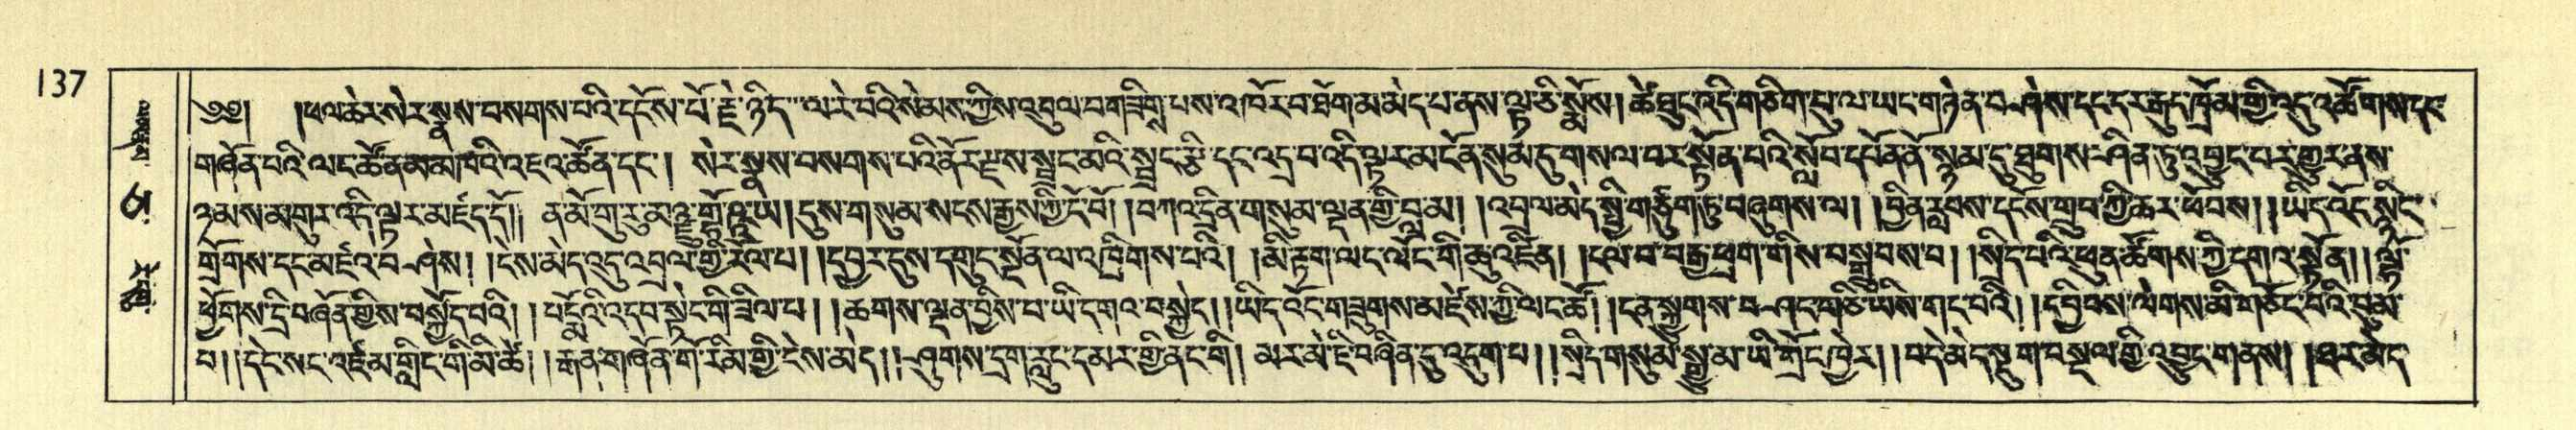༄༅། །ཕལ་ཆེར་སེར་སྣས་བསགས་པའི་དངོས་པོ་རྗེ་ཉིད་ལ་རེ་བའི་སེམས་ཀྱིས་འབུལ་བ་གཟིགས་པས་འཁོར་བ་ཐོག་མ་མེད་པ་ནས་ལྟ་ཅི་སྨོས། ཚེ་ཐུང་འདི་གཅིག་པུ་ལ་ཡང་གཉེན་བཤེས་དང་དར་རྒུང་ཁྲོམ་གྱི་འདུ་འཚོགས་དང་
གཞོན་པའི་ལང་ཚོ་ནམ་མཁའི་འཇའ་ཚོན་དང་། སེར་སྣས་བསགས་པའི་ནོར་རྫས་སྦྲང་མའི་སྦྲང་རྩི་དང་འདྲ་བ་འདི་ལྟར་མངོན་སུམ་དུ་གསལ་བར་སྟོན་པའི་སློབ་དཔོན་ནོ་སྙམ་དུ་ཐུགས་ཤིན་ཏུ་འབྱུང་བར་གྱུར་ནས་
ཉམས་མགུར་འདི་ལྟར་མཛད་དོ།། ན་མོ་གུ་རུ་མཉྫུ་གྷོ་ཥཱ་ཡ། དུས་གསུམ་སངས་རྒྱས་ཀྱི་ངོ་བོ། །བཀའ་དྲིན་གསུམ་ལྡན་གྱི་བླ་མ། །འབྲལ་མེད་སྤྱི་གཙུག་ཏུ་བཞུགས་ལ། །བྱིན་རླབས་དངོས་གྲུབ་ཀྱི་ཆར་ཕོབས། །ཡིད་འོད་སྙིང་
གྲོགས་དང་མཛའ་བཤེས། །ངེས་མེད་འདུ་འབྲལ་གྱི་རོལ་པ། །དབྱར་དུས་དགུང་སྔོན་ལ་འཁྲིགས་པའི། །མི་རྟག་ལང་ལོང་གི་ཆུ་འཛིན། །ངལ་བ་བརྒྱ་ཕྲག་གིས་བསྒྲུབས་བ། །སྲིད་པའི་ཕུན་ཚོགས་ཀྱི་དགའ་སྟོན། །ལྷོ་
ཕྱོགས་དྲི་བཞོན་གྱིས་བསྐྱོད་བའི། །པདམོའི་འདབ་སྟེང་གི་ཟིལ་པ། །ཆགས་ལྡན་བྱིས་པ་ཡི་དགའ་བསྐྱེད། །ཡིད་འོང་གཟུགས་མཛེས་ཀྱི་ལང་ཚོ། །ངན་སྐྱུགས་བཤད་གཅི་ཡིས་གང་བའི། །དབྱིབས་ལེགས་མི་གཅོད་བའི་བུམ་
པ། །དེང་སང་འཛམ་གླིང་གི་མི་ཚེ། །རྒན་གཞོན་གོ་རིམ་གྱི་ངེས་མེད། །ཤུགས་དྲག་རླུང་དམར་གྱི་ནང་གི། མར་མེ་ཇི་བཞིན་དུ་འདུག་པ། །སྲིད་གསུམ་སྒྱུ་མ་ཡི་གྲོང་ཁྱེར། །བདེ་མེད་སྡུག་བསྔལ་གྱི་འབྱུང་གནས། །ཐར་མེད་